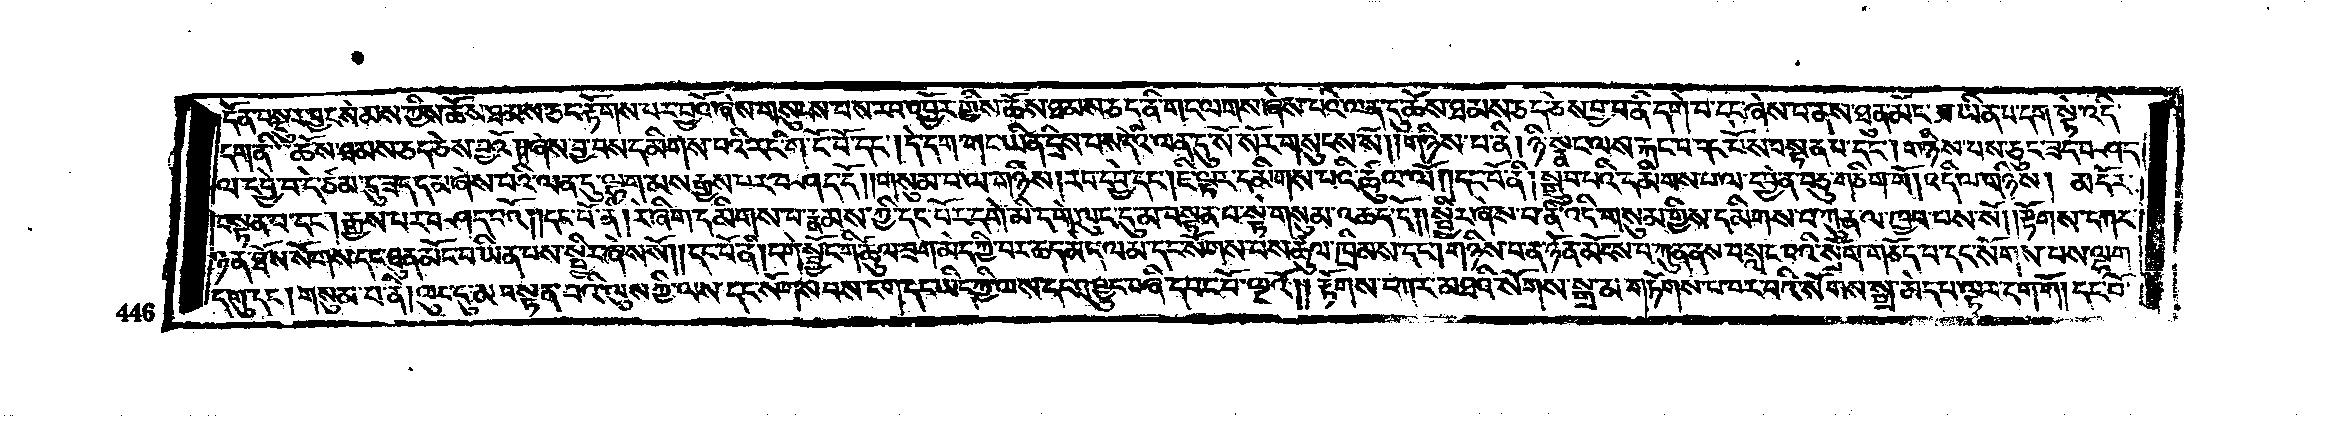དོན་བསྡུར་བྱང་སེམས་ཀྱིས་ཆོས་ཐམས་ཅད་རྟོགས་པར་བྱའོ་ཞེས་གསུངས་པས་རབ་འབྱོར་གྱིས་ཆོས་ཐམས་ཅད་ནི་གང་ལགས་ཞེས་པའི་ལན་དུ་ཆོས་ཐམས་ཅད་ཅེས་བྱ་བ་ནི་དགེ་བ་དང་ཞེས་པ་ནས་ཐུན་མོང་མ་ཡིན་པ་དག་སྟེ་འདི་
དག་ནི་ཆོས་ཐམས་ཅད་ཅེས་བྱའོ། །ཞེས་བྱ་བས་དམིགས་པའི་རང་གི་ངོ་བོ་དང་། དེ་དག་གང་ཡིན་དྲིས་པས་དེའི་ལན་དུ་སོ་སོར་གསུངས་སོ། །གཉིས་པ་ནི། ཉི་སྣང་ལས་རྐང་པ་དང་པོས་བསྟན་པ་དང་། གཉིས་པས་ཅུང་ཟད་བཤད་
ལ་དབྱེ་བ་དེ་ཙམ་དུ་ཟད་དམ་ཞེས་པའི་ལན་དུ་ལྷག་མས་རྒྱས་པར་བཤད་དོ། །གསུམ་པ་ལ་གཉིས། རབ་དབྱེ་དང་། ཇི་ལྟར་དམིགས་པའི་ཚུལ་ལོ། །དང་པོ་ནི། སྒྲུབ་པའི་དམིགས་པ་ལ་དབྱེ་ན་བཅུ་གཅིག་གོ །འདི་ལ་གཉིས། མདོར་
བསྟན་པ་དང་། རྒྱས་པར་བཤད་པའོ། །དང་པོ་ནི། རེ་ཞིག་དམིགས་པ་རྣམས་ཀྱི་དང་པོར་དགེ་མི་དགེ་ལུང་དུ་མ་བསྟན་པ་སྟེ་གསུམ་འཆད་དོ། །སྤྱིར་ཞེས་པ་ནི་འདི་གསུམ་གྱིས་དམིགས་པ་ཀུན་ལ་ཁྱབ་པས་སོ། །རྟོགས་དཀར་
ཉན་ཐོས་སོགས་དང་ཐུན་མོང་བ་ཡིན་པས་སྤྱིར་ཞེས་སོ། །དང་པོ་ནི། དགེ་སྦྱོང་གི་ཚུལ་ཟག་མེད་ཀྱི་བར་ཆད་མེད་ལམ་དང་སོགས་པས་ཚུལ་ཁྲིམས་དང་། གཉིས་པ་ནི་ཉོན་མོངས་པ་ཀུན་ནས་བསླང་བའི་སྲོག་གཅོད་པ་དང་སོགས་པས་ལྷག་
དགུ་དང་། གསུམ་པ་ནི། ལུང་དུ་མ་བསྟན་པའི་ལུས་ཀྱི་ལས་དང་སོགས་པས་ངག་དང་ཡིད་ཀྱི་ལས་དང་འབྱུང་བཞི་དབང་པོ་ལྔའོ། །རྟོགས་དཀར་མཐའི་སོགས་སྒྲ་མ་གཏོགས་པ་བར་པའི་སོགས་སྒྲ་མེད་པ་ལྟར་དག་གོ །དང་པོ་